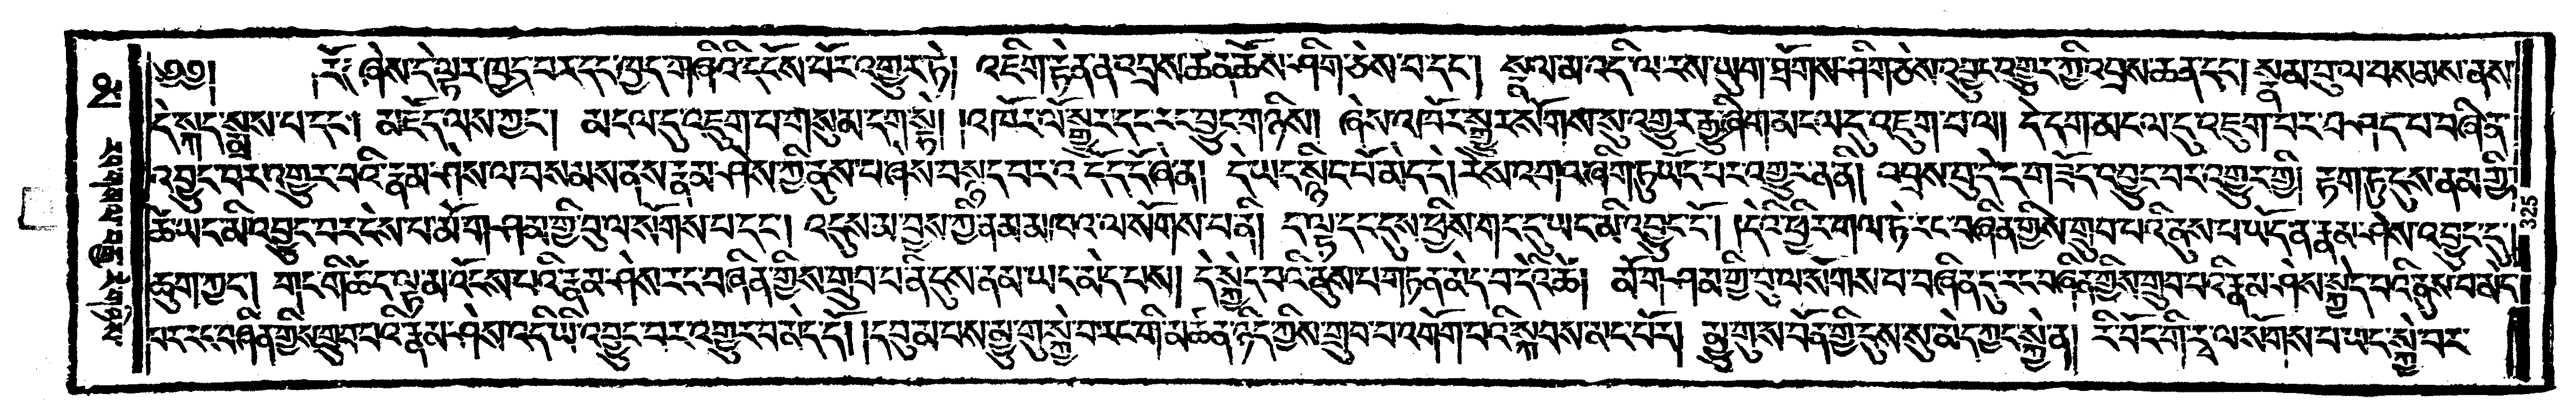༄༅། །རོ། །ཞེས་དེ་ལྟར་ཁྱད་པར་དང་ཁྱད་གཞིའི་དངོས་པོར་འགྱུར་ཏེ། འཇིག་རྟེན་ན་འབྲས་ཆན་ཚོས་ཤིག་ཅེས་པ་དང་། སྣལ་མ་འདི་ལ་རས་ཡུག་ཐོགས་ཤིག་ཅེས་འབྱུང་འགྱུར་གྱི་འབྲས་ཆན་དང་། སྣམ་བུ་ལ་བསམས་ནས་
དེ་སྐད་སྨྲས་པ་དང་། མཛོད་ལས་ཀྱང་། མངལ་དུ་འཇུག་པ་གསུམ་དག་སྟེ། །འཁོར་ལོ་སྒྱུར་དང་རང་བྱུང་གཉིས། ཞེས་འཁོར་སྒྱུར་སོགས་སུ་འགྱུར་རྒྱུ་ཞིག་མངལ་དུ་འཇུག་པ་ལ། དེ་དག་མངལ་དུ་འཇུག་པར་བཤད་པ་བཞིན་
འབྱུང་བར་འགྱུར་བའི་རྣམ་ཤེས་ལ་བསམས་ནས་རྣམ་ཤེས་ཀྱི་ནུས་པ་ཞེས་བསྙད་པར་འདོད་དོ་ཞེ་ན། དེ་ཡང་སྙིང་པོ་མེད་དེ། རེས་འགའ་ཞིག་ཏུ་ཡོད་པར་འགྱུར་ན་ནི། འབྲས་བུ་དེ་ད་གཟོད་འབྱུང་བར་འགྱུར་གྱི། རྟག་ཏུ་དུས་ནམ་གྱི་
ཚེ་ཡང་མི་འབྱུང་བར་ངེས་པ་མོ་གཤམ་གྱི་བུ་ལ་སོགས་པ་དང་། འདུས་མ་བྱས་ཀྱི་ནམ་མཁའ་ལ་སོགས་པ་ནི། ད་ལྟ་དང་དུས་ཕྱིས་གང་དུ་ཡང་མི་འབྱུང་ངོ། །དེའི་ཕྱིར་གལ་ཏེ་རང་བཞིན་གྱིས་གྲུབ་པའི་ནུས་པ་ཡོད་ན་རྣམ་ཤེས་འབྱུང་དུ་
ཆུག་ཀྱང་། གང་གི་ཚེ་ད་ལྟ་མ་འོངས་པའི་རྣམ་ཤེས་རང་བཞིན་གྱིས་གྲུབ་པ་ནི་དུས་ནམ་ཡང་མེད་པས། དེ་སྐྱེད་པའི་ནུས་པ་གཏན་མེད་པ་དེའི་ཚེ། མོ་གཤམ་གྱི་བུ་ལ་སོགས་པ་བཞིན་དུ་རང་བཞིན་གྱིས་གྲུབ་པའི་རྣམ་ཤེས་སྐྱེད་པའི་ནུས་པ་མེད་
པར་རང་བཞིན་གྱིས་གྲུབ་པའི་རྣམ་ཤེས་འདི་ཡི་འབྱུང་བར་འགྱུར་བ་མེད་དོ། །དབུ་མ་པས་མྱུ་གུ་སྐྱེ་བ་རང་གི་མཚན་ཉིད་ཀྱིས་གྲུབ་པ་འགོག་པའི་སྐབས་མང་པོར། མྱུ་གུ་ས་བོན་གྱི་དུས་སུ་མེད་ཀྱང་སྐྱེ་ན། རི་བོང་གི་རྭ་ལ་སོགས་པ་ཡང་སྐྱེ་བར་